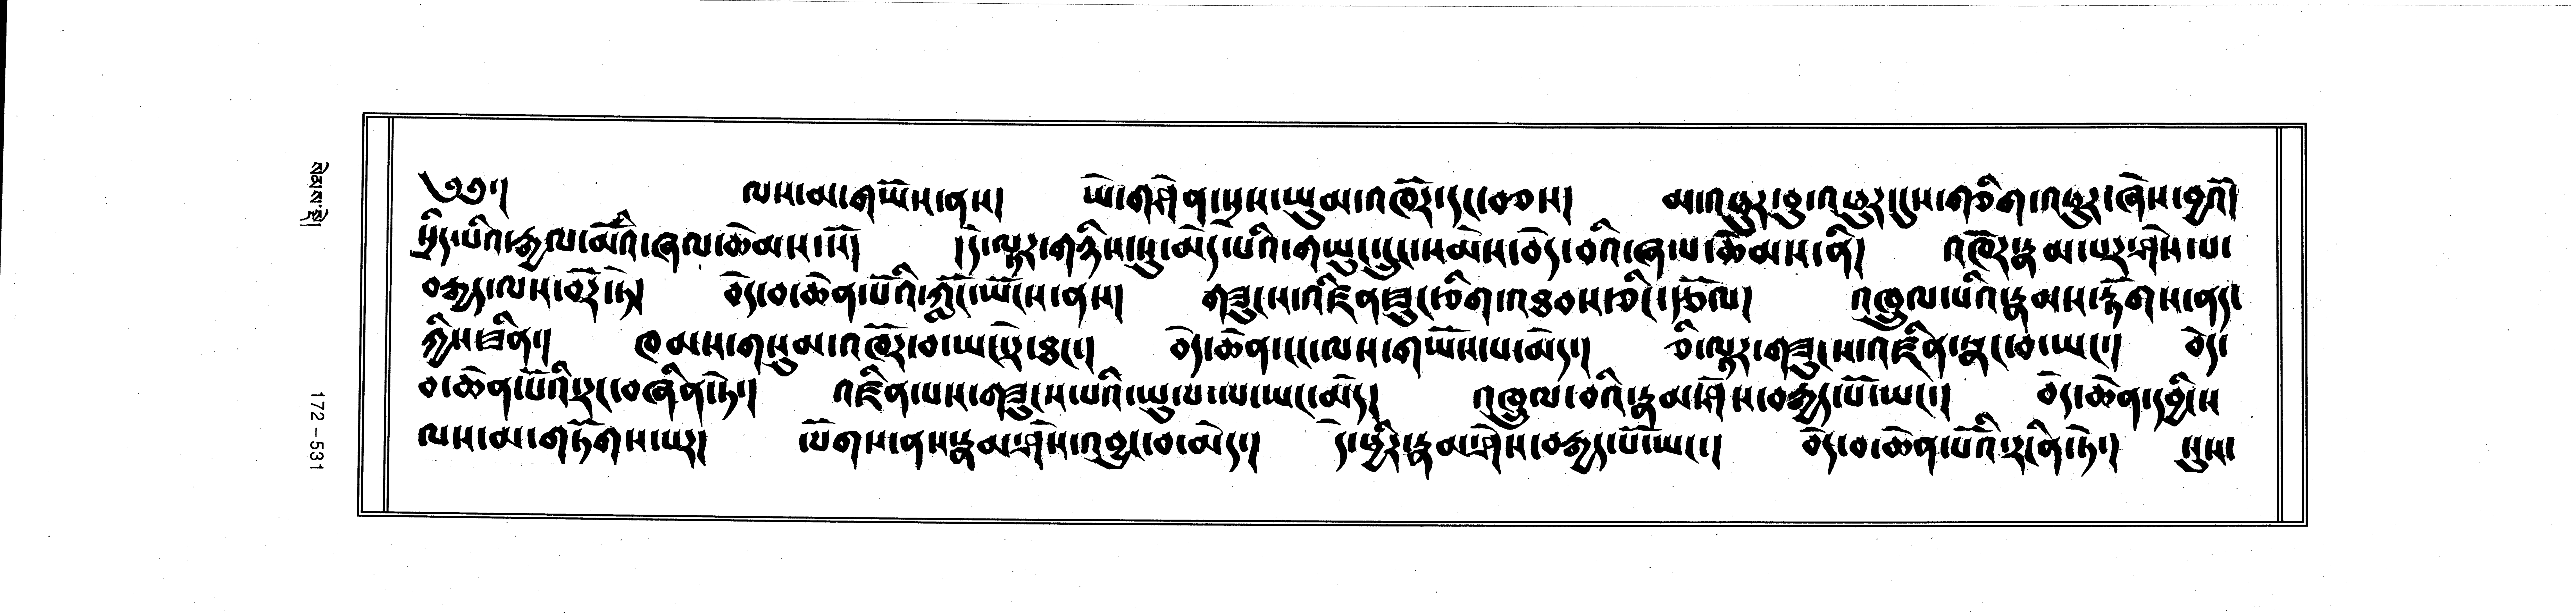ལས་མ་གཡོས་ནས། ཡེ་གཤེན་སྲས་ཡུམ་འཁོར་དང་བཅས། མ་འཕུར་བུ་འཕུར་དུས་གཅིག་འཕུར་ཞེས་བྱའོ། 
སྲིད་པའི་རྒྱལ་མོའི་ཞལ་ཆེམས་སོ། དེ་ལྟར་གཉིས་སུ་མེད་པའི་གཡུང་དྲུང་སེམས་བདེ་བའི་ཞལ་ཆེམས་ནི། འཁོར་རྣམ་པར་ཤེས་པ་
བརྒྱད་ལས་བོར་ཏེ། བདེ་བ་ཆེན་པོའི་ཀློང་ཡོངས་ནས། གཟུངས་འཛིན་ཟུང་ཅིག་འཐབས་ཅིང་རྩོལ། འཁྲུལ་པའི་རྣམ་རྟོགས་ནད་
ཀྱིས་ཟིན། ཁམས་གསུམ་འཁོར་བ་ཡང་རེ་ཐང་། བདེ་ཆེན་ངང་ལས་གཡོས་པ་མེད། ཅི་ལྟར་གཟུངས་འཛིན་སྣང་བ་ཡང་། བདེ་
བ་ཆེན་པོའི་རང་བཞིན་ཏེ། འཛིན་པས་གཟུངས་པའི་ཡུལ་ཡང་མེད། འཁྲུལ་བའི་རྣམ་ཤེས་བརྒྱད་པོ་ཡང་། བདེ་ཆེན་དབྱིངས་
ལས་མ་རྟོགས་པར། ལོག་ནས་རྣམ་ཤེས་འབྱུང་བ་མེད། དེ་ཕྱིར་རྣམ་ཤེས་བརྒྱད་པོ་ཡང་། བདེ་བ་ཆེན་པོའི་རང་བཞིན་ཏེ། སུས་